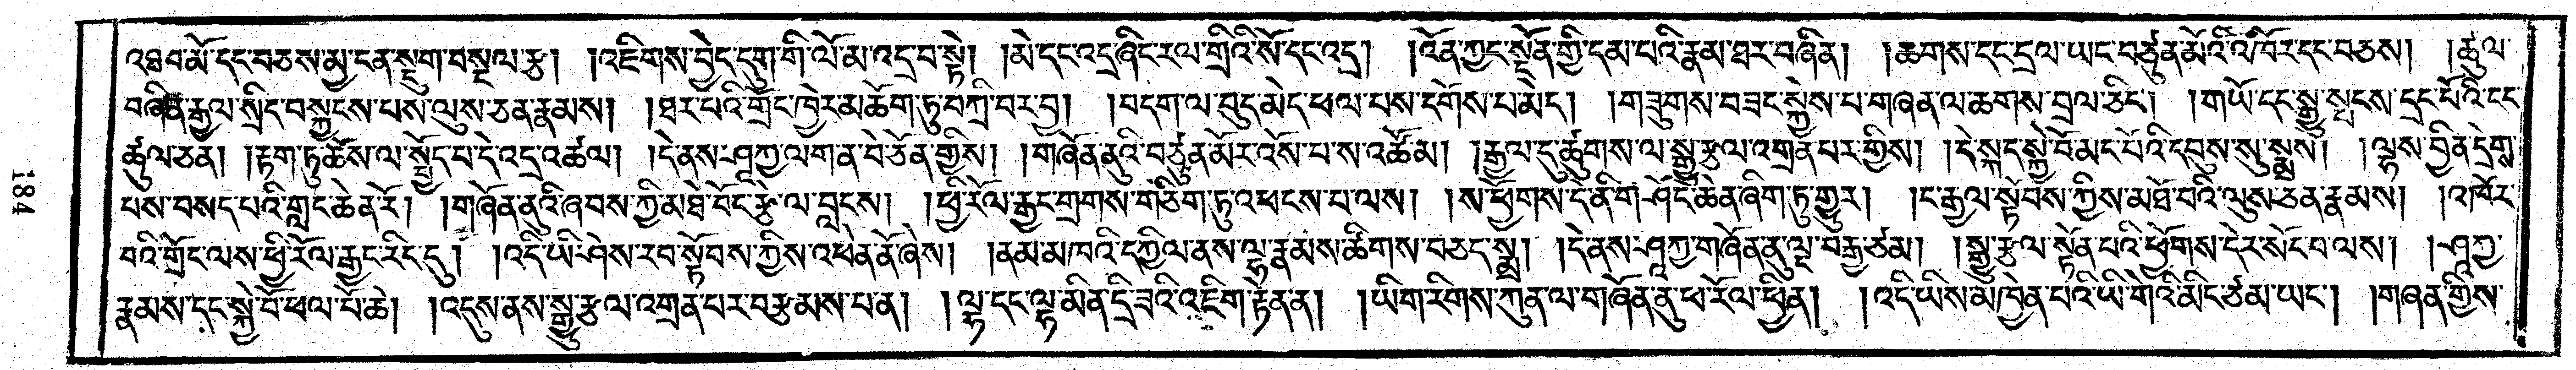འཐབ་མོ་དང་བཅས་མྱ་ངན་སྡུག་བསྔལ་རྩ། །འཇིགས་བྱེད་དུག་གི་ལོ་མ་འདྲ་བ་སྟེ། །མེ་དང་འདྲ་ཞིང་རལ་གྲིའི་སོ་དང་འདྲ། །འོན་ཀྱང་སྔོན་གྱི་དམ་པའི་རྣམ་ཐར་བཞིན། །ཆགས་དང་དྲལ་ཡང་བཙུན་མོའི་འཁོར་དང་བཅས། །ཚུལ་
བཞིན་རྒྱལ་སྲིད་བསྐྱངས་པས་ལུས་ཅན་རྣམས། །ཐར་པའི་གྲོང་ཁྱེར་མཆོག་ཏུ་བཀྲི་བར་བྱ། །བདག་ལ་བུད་མེད་ཕལ་པས་དགོས་པ་མེད། །གཟུགས་བཟང་སྐྱེས་པ་གཞན་ལ་ཆགས་བྲལ་ཅིང་། །གཡོ་དང་སྒྱུ་སྤངས་དྲང་པོའི་དང་
ཚུལ་ཅན། །རྟག་ཏུ་ཆོས་ལ་སྤྱོད་པ་དེ་འདྲ་འཚལ། །དེ་ནས་ཤཱཀྱ་ལག་ན་བེ་ཅོན་གྱིས། །གཞོན་ནུའི་བཙུན་མོར་འོས་པ་ས་འཚོམ། །རྒྱལ་དུ་ཚུགས་ལ་སྒྱུ་རྩལ་འགྲན་པར་གྱིས། །དེ་སྐད་སྐྱེ་བོ་མང་པོའི་དབུས་སུ་སྨྲས། །ལྷས་བྱིན་དྲེགས་
པས་བསད་པའི་གླང་ཆེན་རོ། །གཞོན་ནུའི་ཞབས་ཀྱི་མཐེ་བོང་རྩེ་ལ་བླངས། །ཕྱི་རོལ་རྒྱང་གྲགས་གཅིག་ཏུ་འཕངས་པ་ལས། །ས་ཕྱོགས་དེ་ནི་གཤོང་ཆེན་ཞིག་ཏུ་གྱུར། །ང་རྒྱལ་སྟོབས་ཀྱིས་མཐོ་བའི་ལུས་ཅན་རྣམས། །འཁོར་
བའི་གྲོང་ལས་ཕྱི་རོལ་རྒྱང་རིང་དུ། །འདི་ཡི་ཤེས་རབ་སྟོབས་ཀྱིས་འཕེན་ནོ་ཞེས། །ནམ་མཁའི་དཀྱིལ་ནས་ལྷ་རྣམས་ཚིགས་བཅད་སྨྲ། །དེ་ནས་ཤཱཀྱ་གཞོན་ནུ་ལྔ་བརྒྱ་ཙམ། །སྒྱུ་རྩལ་སྟོན་པའི་ཕྱོགས་དེར་སོང་བ་ལས། །ཤཱཀྱ་
རྣམས་དང་སྐྱེ་བོ་ཕལ་པོ་ཆེ། །འདུས་ནས་སྒྱུ་རྩལ་འགྲན་པར་བརྩམས་པ་ན། །ལྷ་དང་ལྷ་མིན་དྲི་ཟའི་འཇིག་རྟེན་ན། །ཡིག་རིགས་ཀུན་ལ་གཞོན་ནུ་ཕ་རོལ་ཕྱིན། །འདི་ཡིས་མཁྱེན་པའི་ཡི་གེའི་མིང་ཙམ་ཡང་། །གཞན་གྱིས་